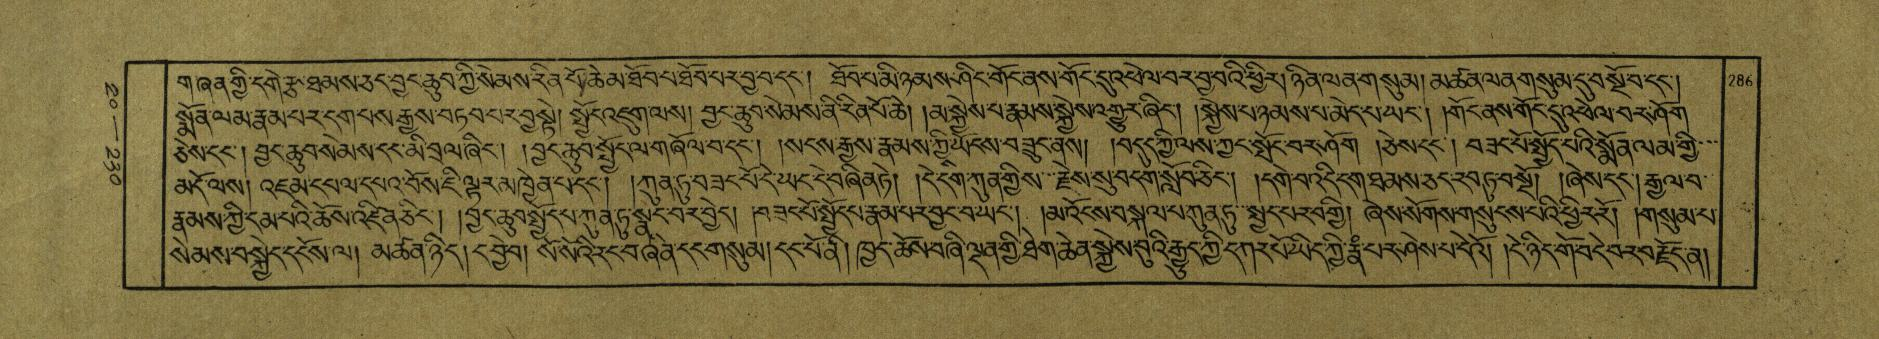གཞན་གྱི་དགེ་རྩ་ཐམས་ཅད་བྱང་ཆུབ་ཀྱི་སེམས་རིན་པོ་ཆེ་མ་ཐོབ་པ་ཐོབ་པར་བྱ་བ་དང་། ཐོབ་པ་མི་ཉམས་ཤིང་གོང་ནས་གོང་དུ་འཕེལ་བར་བྱ་བའི་ཕྱིར། ཉིན་ལན་གསུམ། མཚན་ལན་གསུམ་དུ་བསྔོ་བ་དང་།
སྨོན་ལམ་རྣམ་པར་དག་པས་རྒྱས་བཏབ་པར་བྱ་སྟེ། སྤྱོང་འཇུག་ལས། བྱང་ཆུབ་སེམས་ནི་རིན་པོ་ཆེ། །མ་སྐྱེས་པ་རྣམས་སྐྱེས་འགྱུར་ཞིང་། །སྐྱེས་པ་ཉམས་པ་མེད་པ་ཡང་། །གོང་ནས་གོང་དུ་འཕེལ་བར་ཤོག་
ཅེས་དང་། བྱང་ཆུབ་སེམས་དང་མི་བྲལ་ཞིང་། །བྱང་ཆུབ་སྤྱོད་ལ་གཞོལ་བ་དང་། །སངས་རྒྱས་རྣམས་ཀྱི་ཡོངས་བཟུང་ནས། །བདུད་ཀྱི་ལས་ཀྱང་སྤོང་བར་ཤོག །ཅེས་དང་། བཟང་པོ་སྤྱོད་པའི་སྨོན་ལམ་གྱི་
མདོ་ལས། འཇམ་དཔལ་དཔའ་བོས་ཇི་ལྟར་མཁྱེན་པ་དང་། །ཀུན་ཏུ་བཟང་པོ་དེ་ཡང་དེ་བཞིན་ཏེ། །དེ་དག་ཀུན་གྱིས་རྗེས་སུ་བདག་སློབ་ཅིང་། །དགེ་བ་འདི་དག་ཐམས་ཅད་རབ་ཏུ་བསྔོ། །ཞེས་དང་། རྒྱལ་བ་
རྣམས་ཀྱི་དམ་པའི་ཆོས་འཛིན་ཅིང་། །བྱང་ཆུབ་སྤྱོད་པ་ཀུན་ཏུ་སྣང་བར་བྱེད། །བཟང་པོ་སྤྱོད་པ་རྣམ་པར་བྱང་བ་ཡང་། །མ་འོངས་བསྐལ་པ་ཀུན་ཏུ་སྤྱད་པར་བགྱི། ཞེས་སོགས་གསུངས་པའི་ཕྱིར་རོ། །གསུམ་པ་
སེམས་བསྐྱེད་དངོས་ལ། མཚན་ཉིད། དབྱེ་བ། སོ་སོའི་རང་བཞིན་དང་གསུམ། དང་པོ་ནི། ཁྱད་ཆོས་བཞི་ལྡན་གྱི་ཐེག་ཆེན་སྐྱེས་བུའི་རྒྱུད་ཀྱི་དཀར་པོ་ཡིད་ཀྱི་རྣཾ་པར་ཤེས་པ་དེའོ། །དེ་ཉིད་གོ་བདེ་བར་བརྗོད་ན།